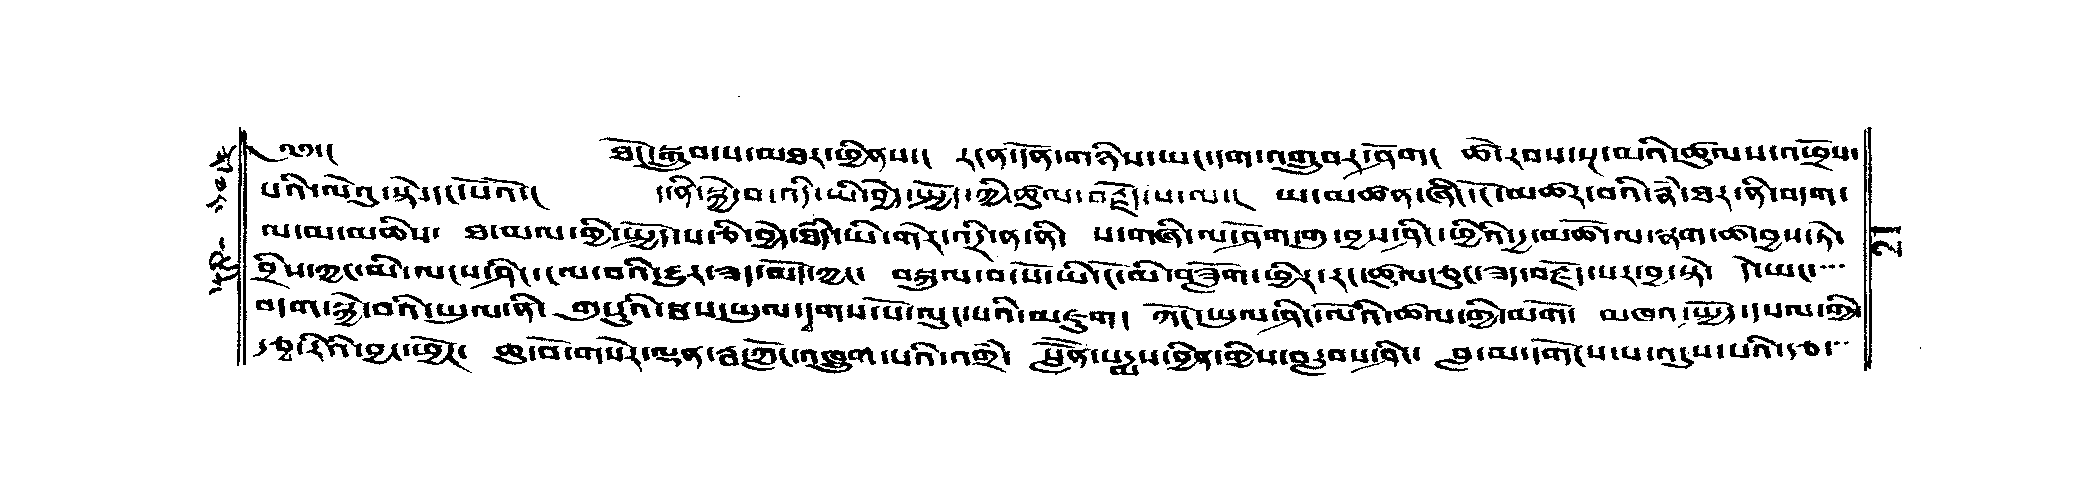ཐོངས་སྒྲུབ་པ་མཐར་ཕྱིན་ནས། །རང་གཞན་དོན་གཉིས་ཡང་དག་འགྲུབ་པར་ཤོག ཚེ་རབས་སྔ་མའི་ཚུལ་ལས་འཕྲོས་
པའི་ལེའུ་སྟེ་དང་པོའོ། ད་ནི་སྐྱེ་བ་འདི་ཡི་བྱེད་སྤྱོད་ཀྱི་ཚུལ་བརྗོད་པ་ལ། ཡ་མཚན་ཞིང་ངོ་མཚར་བའི་རྣམ་ཐར་ནི་བདག་
ལ་མ་མཆིས། ཐ་མལ་གྱི་སྤྱོད་པ་ཅི་བྱེད་ཐམས་ཅད་ཡི་གེར་བྲིས་ན་ནི། ས་གཞི་ལ་ཤོག་གུ་བྱས་ཤིང་ཕྱིའི་རྒྱ་མཚོ་ལ་སྣག་ཚ་བྱས་ཏེ་
བྲིས་ཀྱང་མི་ལངས་ཤིང་ངལ་བའི་རྒྱུར་ཟད་མདོ་ཀྱང་། བསྐུལ་བ་པོ་ཡི་ངོ་མི་བཟློག་ཕྱིར་རང་ཚུལ་ཅུང་ཟད་བརྗོད་པར་བྱ་སྟེ། དེ་ཡང་
བདག་སྐྱེ་བའི་ཡུལ་ནི། གུ་རུའི་སྦས་ཡུལ་དྭགས་པོ་ལུང་པའི་མཇུག ཀོང་ཡུལ་ཤིང་ལོའི་ཚལ་གྱི་འགོ མཁའ་སྤྱོད་དཔལ་གྱི་
རྩྭ་རིའི་བྱང་ཕྱོགས། ཆུ་བོ་གསེར་ལྡན་རྦ་ཀློང་འཁྲུག་པའི་འགྲམ། སློབ་དཔོན་པདྨས་བྱིན་གྱིས་བརླབས་ཤིང་། བླ་མ་དགོངས་པ་འདུས་པའི་རྩ་